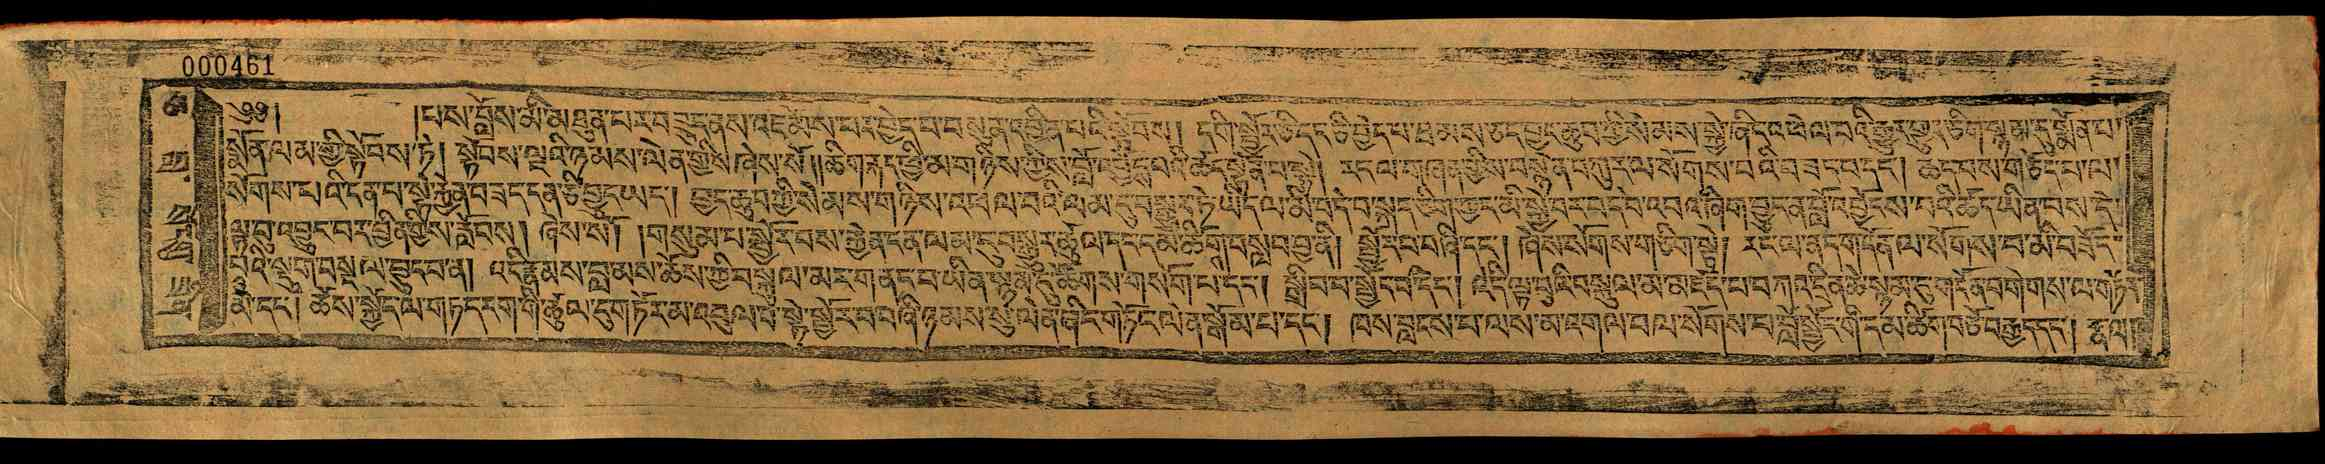༄༅། །པས་བློས་མི་མཐུན་པར་བཟུང་ནས་འཇོམས་པར་བྱེད་པ་བསུན་འབྱིན་པའི་སྟོབས། དགེ་སྦྱོར་ཅི་དང་ཅི་བྱེད་པ་ཐམས་ཅད་བྱང་ཆུབ་ཀྱི་སེམས་སྐྱེ་ཞིང་འཕེལ་བའི་རྒྱུར་གྱུར་ཅིག་སྙམ་དུ་སྨོན་པ་
སྨོན་ལམ་གྱི་སྟོབས་ཏེ། སྟོབས་ལྔའི་ཉམས་ལེན་གྱིས་ཞེས་སོ། །ཚིག་རྐང་ཕྱི་མ་གཉིས་ཀྱིས་བློ་འབྱོད་བའི་ཚད་སྟོན་པ་སྟེ། རང་ལ་གཞན་གྱིས་བསྙེན་བཀུར་ལ་སོགས་པའི་བཟང་བ་དང་། ཆད་པས་གཅོད་པ་ལ་
སོགས་པའི་ངན་པ་སྟེ་རྐྱེན་བཟང་ངན་ཅི་བྱུང་ཡང་། བྱང་ཆུབ་ཀྱི་སེམས་གཉིས་འཕེལ་པའི་ལམ་དུ་བསྒྱུར་ཏེ་ཡིད་ལ་མི་བདེ་བ་སྐད་ཅིག་ཀྱང་མི་སྐྱེ་བར་བདེ་བ་འབའ་ཞིག་བྱུང་ན་བློ་འབྱོངས་པའི་ཚད་ཡིན་པས་དེ་
ལྟ་བུ་འབྱུང་བར་བྱིན་གྱིས་རློབས། ཞེས་སོ། །གསུམ་པ་སྦྱོར་བས་རྐྱེན་ངན་ལམ་དུ་བསྒྱུར་ཚུལ་དང་དམ་ཚིག་བསླབ་བྱ་ནི། སྦྱོར་བ་བཞི་དང་། ཞེས་སོགས་གཅིག་སྟེ། རང་ལ་ནད་གདོན་ལ་སོགས་པ་མི་བཟོད་
པའི་སྡུག་བསྔལ་བྱུང་བ་ན། འདི་རྣམས་བླ་མས་ཆོས་ཀྱི་བསྐུལ་མར་གནང་བ་ཡིན་སྙམ་དུ་ཚོགས་གསོག་པ ༡་དང་། སྒྲིབ་པ་སྦྱོང་བ ༣་དང་། འདི་ལྟ་བུའི་བསྐུལ་མ་མཛད་པ་བཀའ་དྲིན་ཆེ་སྙམ་དུ་གདོན་བགེགས་ལ་གཏོར་
མ ༣་དང་། ཆོས་སྐྱོང་ལ་གཏང་རག་གི་ཚུལ་དུ་གཏོར་མ ༤་འབུལ་བ་སྟེ་སྦྱོར་བ་བཞི་ཉམས་སུ་ལེན་ཞིང་གཏོར་ལེན་སྒོམ་པ་དང་། ཁས་བླངས་པ་ལས་མ་འགལ་བ་ལ་སོགས་པ་བློ་སྦྱོང་གི་དམ་ཚིག་བཅོ་བརྒྱད་དང་། རྣལ་